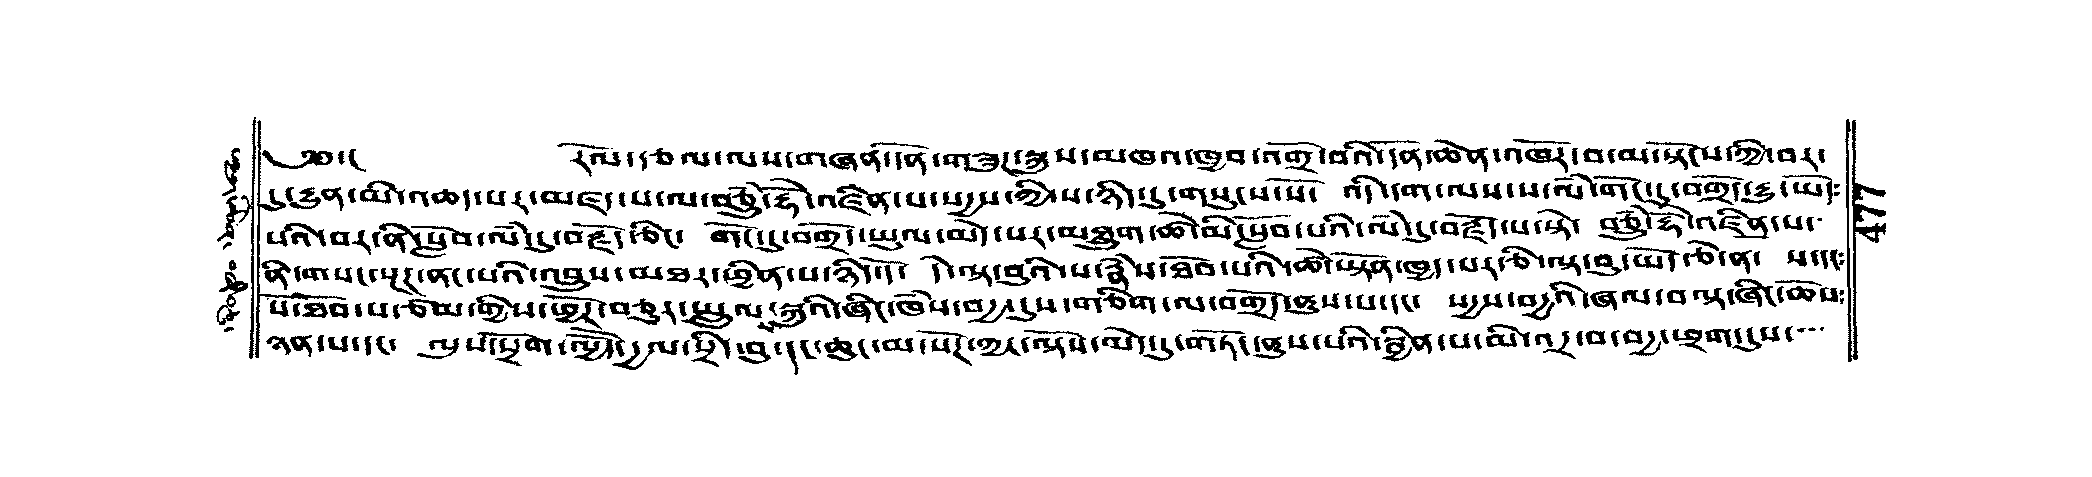རོལ་རྩལ་ལས་གཞན་དོན་གཟུགས་སྐུས་མཁའ་ཁྱབ་འགྲོ་བའི་དོན་ཆེན་འཁོར་བ་མ་སྟོངས་ཀྱི་བར་
དུ་རྒྱུན་མི་འཆད་པར་མཛད་པ་ལ་བཅུ་གསུམ་རྡོ་རྗེ་འཛིན་པ་སངས་རྒྱས་ཀྱི་ས་ཉིད་དུ་གསུངས་སོ། འདི་དག་ལས་ས་ལམ་གོང་དུ་བགྲོད་རྒྱུ་ཡོད་
པའི་བར་ནི་སློབ་ལམ་དུ་བརྗོད་ཅིང་། གོང་དུ་བགྲོད་ཡུལ་མེད་པར་མཐར་ཐུག་ཚེ་མི་སློབ་པའི་ལམ་དུ་བརྗོད་པ་སྟེ། བཅུ་གསུམ་རྡོ་རྗེ་འཛིན་པ་
ནི་གསང་སྔགས་ནང་པའི་འབྲས་བུ་མཐར་ཕྱིན་པ་ཉིད་དོ། དེ་ལྟ་བུའི་ས་རྣམས་ཐོབ་པའི་ཚེ་ཡོན་ཏན་ཁྱད་པར་ཅི་ལྟ་བུ་ཡོད་ཅེ་ན། ས་དང་
པོ་ཐོབ་པ་ཙམ་གྱིས་ཕྱོགས་བཅུར་སྤྲུལ་སྐུའི་ཞིང་ཁམས་བརྒྱ་དུས་གཅིག་ལ་བགྲོད་ནུས་པ་དང་། སངས་རྒྱས་བརྒྱའི་ཞལ་བལྟ་ཞིང་ཆོས་
ཉན་པ་དང་། ལུས་སྲོག་ལོངས་སྤྱོད་རྒྱལ་སྲིད་བུ་དང་ཆུང་མ་སོགས་ཀྱང་ལྟོས་མེད་དུ་གཏོང་ནུས་པའི་སྦྱིན་པ་མི་འདྲ་བ་བརྒྱ་ཕྲག་དུས་